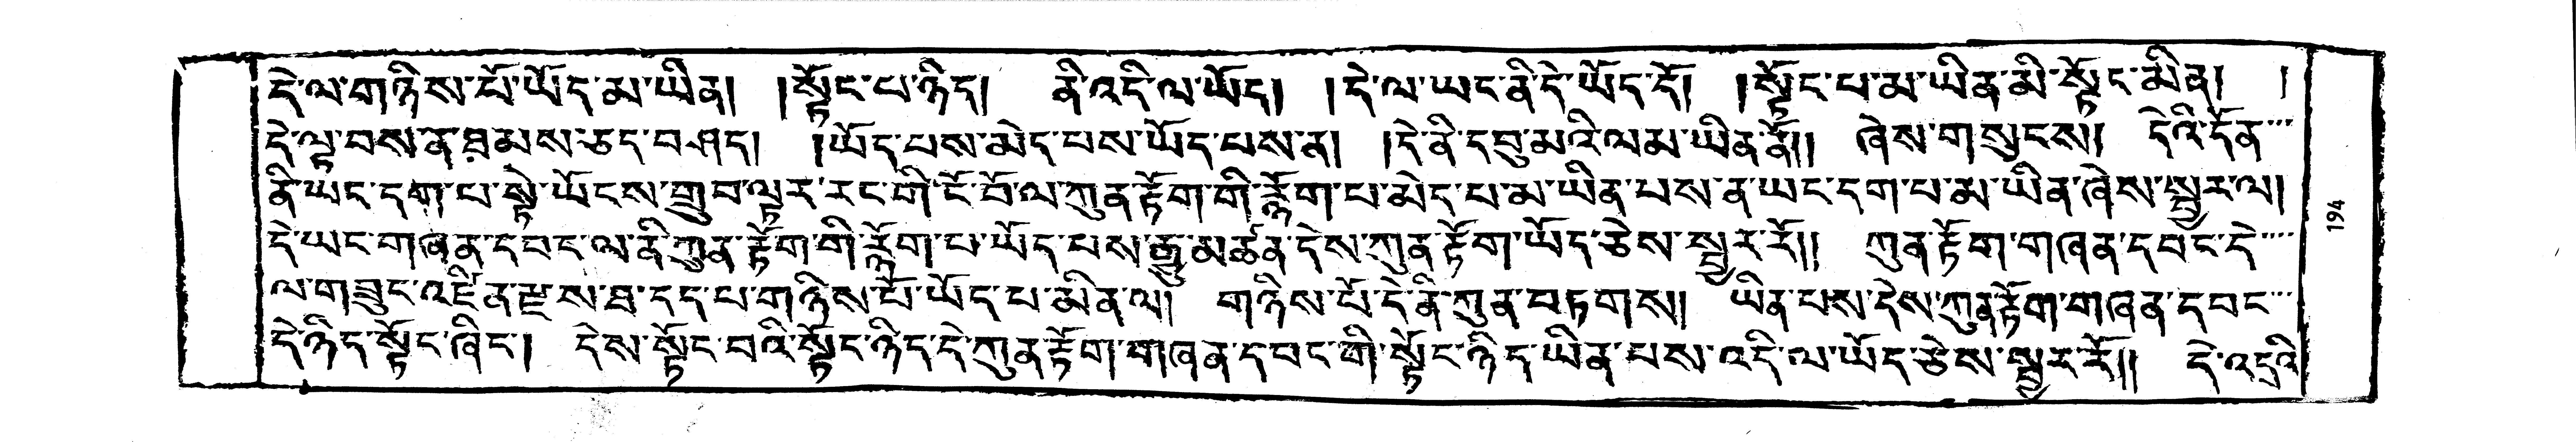དེ་ལ་གཉིས་པོ་ཡོད་མ་ཡིན། །སྟོང་པ་ཉིད། ནི་འདི་ལ་ཡོད། །དེ་ལ་ཡང་ནི་དེ་ཡོད་དོ། །སྟོང་པ་མ་ཡིན་མི་སྟོང་མིན། །
དེ་ལྟ་བས་ན་ཐམས་ཅད་བཤད། །ཡོད་པས་མེད་པས་ཡོད་པས་ན། །དེ་ནི་དབུ་མའི་ལམ་ཡིན་ནོ། །ཞེས་གསུངས། །དེའི་དོན་
ནི་ཡང་དག་པ་སྟེ་ཡོངས་གྲུབ་ལྟར་རང་གི་ངོ་བོ་ལ་ཀུན་རྟོག་གི་རྙོག་པ་མེད་པ་མ་ཡིན་པས་ན་ཡང་དག་པ་མ་ཡིན་ཞེས་སྦྱར་ལ།
དེ་ཡང་གཞན་དབང་ལ་ནི་ཀུན་རྟོག་གི་རྙོག་པ་ཡོད་པས་རྒྱུ་མཚན་དེས་ཀུན་རྟོག་ཡོད་ཅེས་སྦྱར་རོ། །ཀུན་རྟོག་གཞན་དབང་དེ་
ལ་གཟུང་འཛིན་རྫས་ཐ་དད་པ་གཉིས་པོ་ཡོད་པ་མིན་ལ། གཉིས་པོ་དེ་ནི་ཀུན་བཏགས། ཡིན་པས་དེས་ཀུན་རྟོག་གཞན་དབང་
དེ་ཉིད་སྟོང་ཞིང་། དེས་སྟོང་པའི་སྟོང་ཉིད་དེ་ཀུན་རྟོག་གཞན་དབང་གི་སྟོང་ཉིད་ཡིན་པས་འདི་ལ་ཡོད་ཅེས་སྦྱར་རོ། །དེ་འདྲའི་